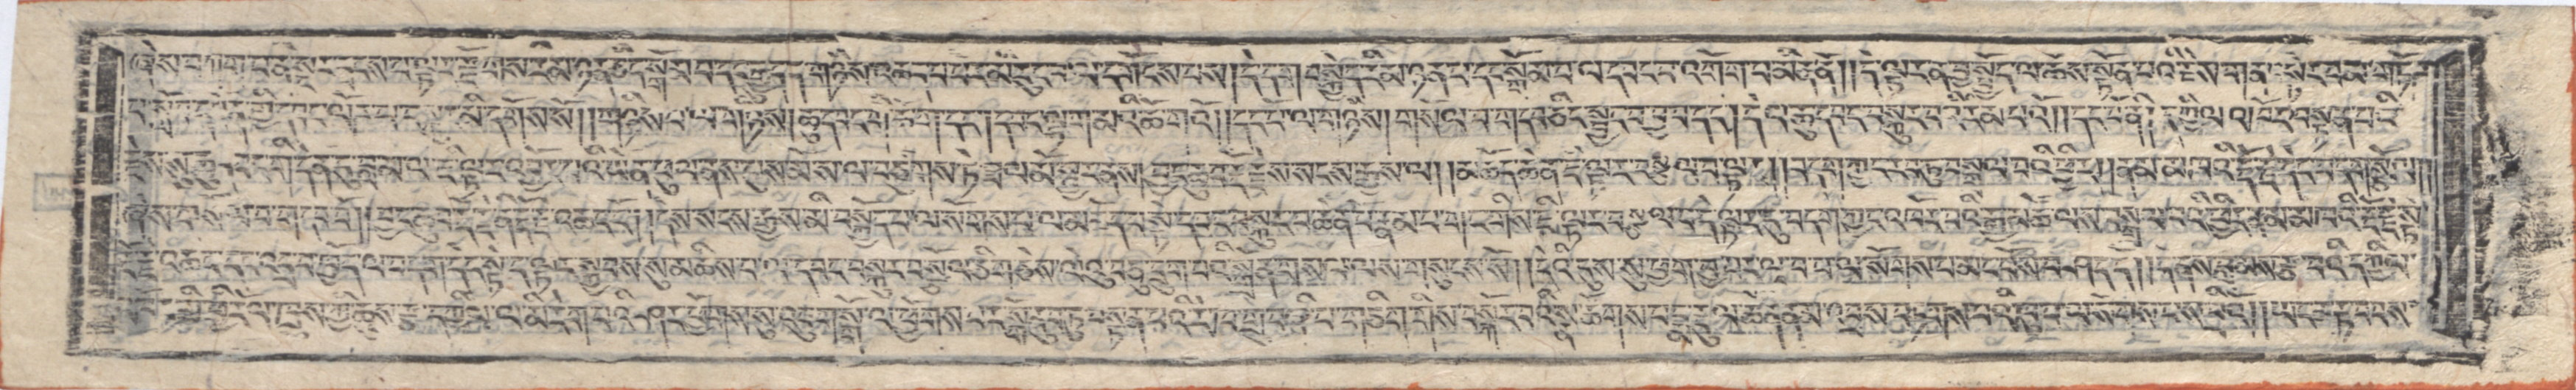ཞེས་བཀག་པ་ནི་སྔར་དྲངས་པ་ལྟར་རྫོགས་རིམ་ཉན་ཅིང་སྒོམ་པ་དང་རྒྱུད་དེ་གཉིས་འཆད་པ་པོར་མི་རུང་བ་ལ་དགོངས་པས། དེ་དག་བསྐྱེད་རིམ་ཉན་པ་དང་སྒོམ་པ་ལ་དབང་བ་འགོག་པ་མིན་ནོ། །དེ་ལྟར་ན་བྱ་སྤྱོད་ལ་ཆོས་སྟོན་པའི་རྗེས་གནང་སྟེར་བ་མ་གཏོགས་
པ་སློབ་དཔོན་གྱི་དབང་ལོགས་པ་བསྐུར་མི་དགོས་སོ། །གཉིས་པ་ལ་གཉིས། ཆུ་དབང་གི་ཆོ་ག་དང་། དབང་ལྷག་མའི་ཆོ་གའོ། །དང་པོ་ལ་གཉིས། གསོལ་བ་གདབ་ཅིང་སྦྱང་བ་བྱ་བ་དང་། དེ་ལ་ཆུ་དབང་བསྐུར་བའི་རིམ་པའོ། །དང་པོ་ནི། དཀྱིལ་འཁོར་བསྟན་པའི་
རྗེས་སུ་ཆུ་དབང་གི་དོན་དུ་བླ་མ་ལ་ཇི་ལྟར་འབྱོར་པའི་ཡོན་ཕུལ་ནས་པུས་མོ་ས་ལ་བཙུགས་ཏེ་ཐལ་མོ་སྦྱར་ནས། བྱང་ཆུབ་རྡོ་རྗེས་སངས་རྒྱས་ལ། །མཆོད་ཆེན་ཇི་ལྟར་བསྩལ་བ་ལྟར། །བདག་ཀྱང་རབ་ཏུ་བསྒྲལ་བའི་ཕྱིར། །ནམ་མཁའི་རྡོ་རྗེ་དེང་བདག་སྩོལ། །
ཞེས་གསོལ་བ་གདབ་བོ། །བྱང་ཆུབ་རྡོ་རྗེ་འཆང་ངོ། །དེས་སངས་རྒྱས་མི་བསྐྱོད་པ་ལ་སོགས་པ་ལ་མཆོད་པ་སྟེ་དབང་བསྐུར་བ་ཆེན་པོ་རྣམ་པ་གང་གིས་ཇི་ལྟར་བསྩོལ་བ་དེ་ལྟར་དུ་བདག་ཀྱང་འཁོར་བའི་རྒྱ་མཚོ་ལས་བསྒྲལ་བའི་ཕྱིར་ནམ་མཁའི་རྡོ་རྗེ་སྟེ་
རྡོ་རྗེ་འཆང་དང་འདྲ་བ་ཁྱོད་ལ་བདག་དེང་སྟེ་ད་ལྟར་སྐྱབས་སུ་མཆིས་པ་ལ་དབང་བསྐུར་བསྩོལ་ཅིག་ཅེས་ལེའུ་བཅུ་དྲུག་པའི་སྒྲོན་གསལ་ལས་གསུངས་སོ། །དེའི་དུས་སུ་ཕྱག་བྱ་བར་ལྭ་བ་པ་ལ་སོགས་པ་མང་པོས་བཤད་དོ། །དེ་ནས་བླ་མས་རྩ་བའི་དཀྱིལ་
འཁོར་གྱི་ཕྱི་རོལ་ཁྲུས་ཀྱི་ཆུས་རྩ་དཀྱིལ་ལ་མི་རེག་པའི་ཤར་ཕྱོགས་སུ་འཇུག་སྒོ་ལ་ཕྱོགས་པར་སྒོ་ནུབ་ཏུ་བསྟན་པའི་རེ་ཁ་གྲུ་བཞི་པ་གཅིག་གིས་བསྐོར་བའི་སྣ་ཚོགས་པདམ་རྡུལ་ཚོན་ནམ་འབྲས་བཏགས་པའི་ཁུ་བ་ལ་སོགས་པས་བྲིའོ། །ཡང་ན་རྟ་བབས་